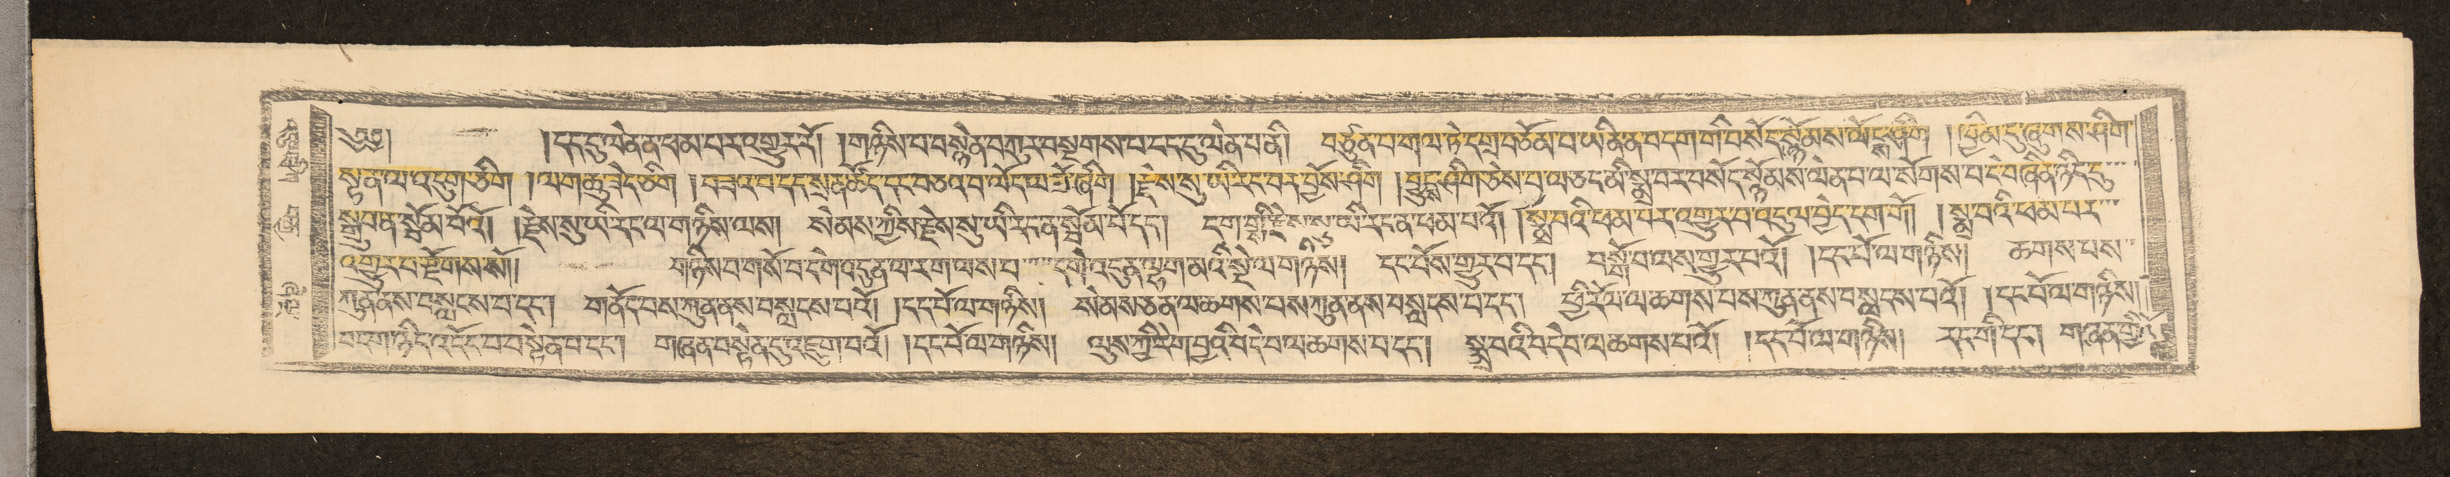༄༅། །དང་དུ་ལེན་ན་ཕམ་པར་འགྱུར་རོ། །གཉིས་པ་བསྙེན་བཀུར་བསྔགས་པ་དང་དུ་ལེན་པ་ནི། བཙུན་པ་གལ་ཏེ་དགྲ་བཅོམ་པ་ཡིན་ན་བདག་གི་བསོད་སྙོམས་ལོངས་ཤིག །ཁྱིམ་བཞུགས་ཤིག །
སྟན་ལ་འདུག་ཅིག །ལག་ཆུ་ཟེད་ཅིག །བཟའ་བ་དང་སྲན་ཚོད་དང་བཅའ་བ་ལོང་ལ་ཟོ་ཞིག །རྗེས་སུ་ཡི་རང་བར་བྱོས་ཤིག །བྱུངས་ཤིག་ཅེས་པ་ལ་ཅང་མི་སྨྲ་བར་བསོད་སྙོམས་ལེན་པ་ལ་སོགས་པ་དེ་བཞིན་ཉིད་དུ་
སྒྲུབ་ན་སྦོམ་པོའོ། །རྗེས་སུ་ཡི་རང་ལ་གཉིས་ལས། སེམས་ཀྱིས་རྗེས་སུ་ཡི་རང་ན་སྦོམ་པོ་དང་། དག་གིས་རྗེས་སུ་ཡི་རང་ན་ཕམ་པའོ། །སྨྲ་བའི་ཕམ་པར་འགྱུར་བ་འདུལ་བྱེད་དག་གོ། །སྨྲ་བའི་ཕམ་པར་
འགྱུར་བ་རྫོགས་སོ།། གཉིས་པ་གསོ་བ་དགེ་འདུན་ལ་རག་ལས་པ་དགེ་འདུན་ལྷག་མའི་སྡེ་ལ་གཉིས། དང་པོས་གྱུར་པ་དང་། བསྒོ་བ་ལས་གྱུར་པའོ། །དང་པོ་ལ་གཉིས། ཆགས་པས་
ཀུན་ནས་བསླངས་པ་དང་། གནོད་པས་ཀུན་ནས་བསླངས་པའོ། །དང་པོ་ལ་གཉིས། སེམས་ཅན་ལ་ཆགས་པས་ཀུན་ནས་བསླངས་པ་དང་། ཕྱི་རོལ་ལ་ཆགས་པས་ཀུན་ནས་བསླངས་པའོ། །དང་པོ་ལ་གཉིས།
བདག་ཉིད་འདོད་པ་བསྟེན་པ་དང་། གཞན་བསྟེན་དུ་འཇུག་པའོ། །དང་པོ་ལ་གཉིས། ལུས་ཀྱི་རེག་བྱའི་བདེ་བ་ལ་ཆགས་པ་དང་། སྨྲ་བའི་བདེ་བ་ལ་ཆགས་པའོ། །དང་པོ་ལ་གཉིས། རང་གི་དང་། གཞན་གྱིའོ་